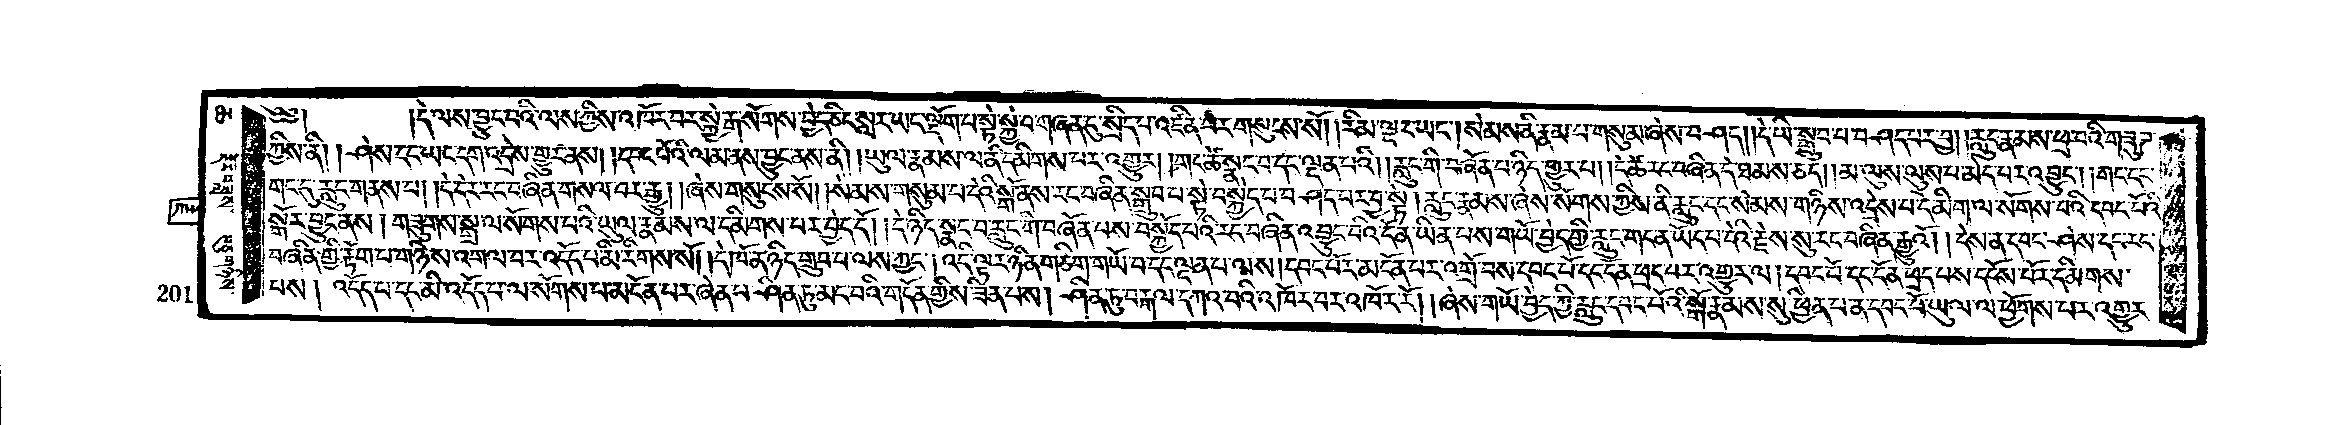༄༅། །དེ་ལས་བྱུང་བའི་ལས་ཀྱིས་འཁོར་བར་སྐྱེ་རྒ་སོགས་བྱེད་ཅིང་སླར་ཡང་ལྡོག་པ་སྟེ་སྐྱེ་བ་གཞན་དུ་སྲིད་པ་འཛིན་པར་གསུངས་སོ། །རིམ་ལྔར་ཡང་། སེམས་ནི་རྣམ་པ་གསུམ་ཞེས་བཤད། །དེ་ཡི་སྒྲུབ་པ་བཤད་པར་བྱ། །རླུང་རྣམས་ཕྲ་བའི་གཟུགས་
ཀྱིས་ནི། །ཤེས་དང་ཡང་དག་འདྲེས་གྱུར་ནས། །དབང་པོའི་ལམ་ནས་བྱུང་ནས་ནི། །ཡུལ་རྣམས་ལ་ནི་དམིགས་པར་འགྱུར། །གང་ཚེ་སྣང་བ་དང་ལྡན་པའི། །རླུང་གི་བཞོན་པ་ཉིད་གྱུར་པ། །དེ་ཚེ་རང་བཞིན་དེ་ཐམས་ཅད། །མ་ལུས་ལུས་པ་མེད་པར་འབྱུང་། །གང་དང་
གང་དུ་རླུང་གནས་པ། །དེ་དེར་རང་བཞིན་གསལ་བར་རྒྱུ། །ཞེས་གསུངས་སོ། །སེམས་གསུམ་པ་དེའི་སྒོ་ནས་རང་བཞིན་སྒྲུབ་པ་སྟེ་བསྐྱེད་པ་བཤད་པར་བྱ་སྟེ། རླུང་རྣམས་ཞེས་སོགས་ཀྱིས་ནི་རླུང་དང་སེམས་གཉིས་འདྲེས་པ་དེ་མིག་ལ་སོགས་པའི་དབང་པོའི་
སྒོར་བྱུང་ནས། གཟུགས་སྒྲ་ལ་སོགས་པའི་ཡུལ་རྣམས་ལ་དམིགས་པར་བྱེད་དོ། །དེ་ཉིད་སྣང་བ་རླུང་གི་བཞོན་པས་བསྐྱོད་པའི་རང་བཞིན་འབྱུང་བའི་དོན་ཡིན་པས་གཡོ་བྱེད་གྱི་རླུང་གང་ན་ཡོད་པ་དེའི་རྗེས་སུ་རང་བཞིན་རྒྱུའོ། །དེས་ན་དབང་ཤེས་དང་རང་
བཞན་གྱི་རྟོག་པ་གཉིས་འགལ་བར་འདོད་པ་མི་རིགས་སོ། །དེ་ཁོ་ན་ཉིད་གྲུབ་པ་ལས་ཀྱང་། འདི་ལྟར་ཉིན་གཅིག་གཡོ་བ་དང་ལྡན་པ་ལས། དབང་པོར་མངོན་པར་འགྲོ་བས་དབང་པོ་དང་དོན་ཕྲད་པར་འགྱུར་ལ། དབང་པོ་དང་དོན་ཕྲད་པས་དངོས་པོར་དམིགས་
པས། འདོད་པ་དང་མི་འདོད་པ་ལ་སོགས་པ་མངོན་པར་ཞེན་པ་ཤིན་ཏུ་མང་བའི་གདོན་གྱིས་ཟིན་པས། ཤིན་ཏུ་བརྒལ་དཀའ་བའི་འཁོར་བར་འཁོར་རོ། །ཞེས་གཡོ་བྱེད་ཀྱི་རླུང་དབང་པོའི་སྒོ་རྣམས་སུ་ཕྱིན་པ་ན་དབང་པོ་ཡུལ་ལ་ཕྱོགས་པར་འགྱུར་